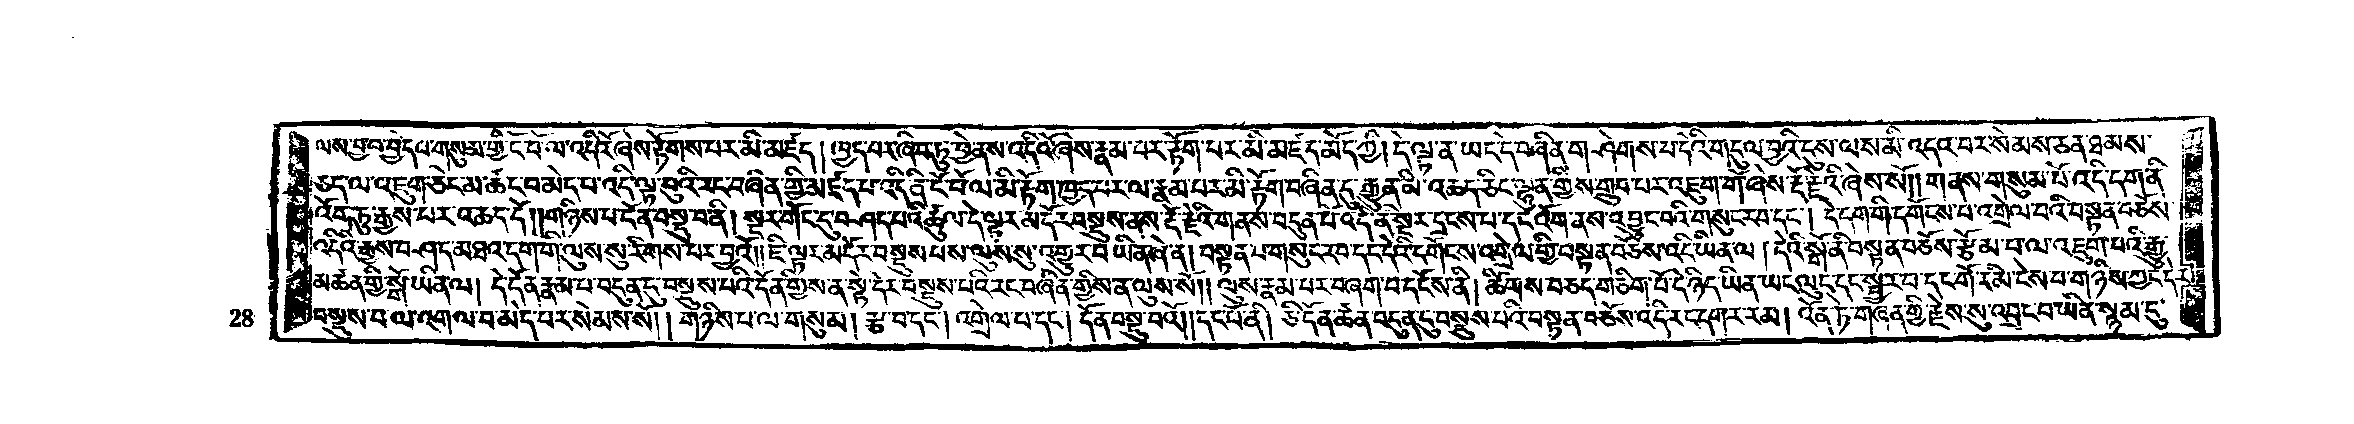ལས་བྱ་བ་བྱེད་པ་གསུམ་གྱི་ངོ་བོ་ལ་འདིའོ་ཞེས་རྟོགས་པར་མི་མཛད། ཁྱད་པར་ཞིབ་ཏུ་ཕྱེ་ནས་འདིའོ་ཞེས་རྣམ་པར་རྟོག་པར་མི་མཛད་མོད་ཀྱི། དེ་ལྟ་ན་ཡང་དེ་བཞིན་གཤེགས་པ་དེའི་གདུལ་བྱའི་དུས་ལས་མི་འདའ་བར་སེམས་ཅན་ཐམས་
ཅད་ལ་འཇུག་ཅིང་མ་ཚང་བ་མེད་པ་འདི་ལྟ་བུའི་རང་བཞིན་གྱི་མཛད་པ་འདི་ནི་ངོ་བོ་ལ་མི་རྟོག་ཁྱད་པར་ལ་རྣམ་པར་མི་རྟོག་བཞིན་དུ་རྒྱུན་མི་འཆད་ཅིང་ལྷུན་གྱིས་གྲུབ་པར་འཇུག་གོ་ཞེས་རྡོ་རྗེའི་ཞེས་སོ། །གནས་གསུམ་པོ་འདི་དག་ནི་
འོག་ཏུ་རྒྱས་པར་འཆད་དོ། །གཉིས་པ་དོན་བསྡུ་བ་ནི། སྔར་གོང་དུ་བཤད་པའི་ཚུལ་དེ་ལྟར་མདོར་བསྡུས་ནས་རྡོ་རྗེའི་གནས་བདུན་པོ་འདི་ནི་སྔར་དྲངས་པ་དང་འོག་ནས་འབྱུང་བའི་གསུང་རབ་དང་། དེ་དག་གི་དགོངས་པ་འགྲེལ་པའི་བསྟན་བཅོས་
འདིའི་རྒྱས་བཤད་མཐའ་དག་གི་ལུས་སུ་རིགས་པར་བྱའོ། །ཇི་ལྟར་མདོར་བསྡུས་པས་ལུས་སུ་འགྱུར་བ་ཡིན་ཞེ་ན། བསྟན་པ་གསུང་རབ་དང་དེའི་དགོངས་འགྲེལ་གྱི་བསྟན་བཅོས་འདི་ཡིན་ལ། དེའི་སྒོ་ནི་བསྟན་བཅོས་རྩོམ་པ་ལ་འཇུག་པའི་རྒྱུ་
མཚན་གྱི་སྒོ་ཡིན་ལ། དེ་དོན་རྣམ་པ་བདུན་དུ་བསྡུས་པའི་དོན་གྱིས་ན་སྟེ་དེར་བསྡུས་པའི་རང་བཞིན་གྱིས་ན་ལུས་སོ། །ལུས་རྣམ་པར་བཞག་པ་དངོས་ནི། ཚིགས་བཅད་གཅིག་པོ་དེ་ཉིད་ཡིན་ཡང་ལུང་དང་སྦྱར་བ་དང་གོ་རིམ་ངེས་པ་གཉིས་ཀྱང་དེར་
བསྡུས་པ་ལ་འགལ་བ་མེད་པར་སེམས་སོ། །གཉིས་པ་ལ་གསུམ། རྩ་བ་དང་། འགྲེལ་པ་དང་། དོན་བསྡུ་བའོ། །དང་པོ་ནི། ཅི་དོན་ཚན་བདུན་དུ་བསྡུས་པའི་བསྟན་བཅོས་འདིར་དགར་རམ། འོན་ཏེ་གཞན་གྱི་རྗེས་སུ་འབྲང་བ་ཡིན་སྙམ་དུ་